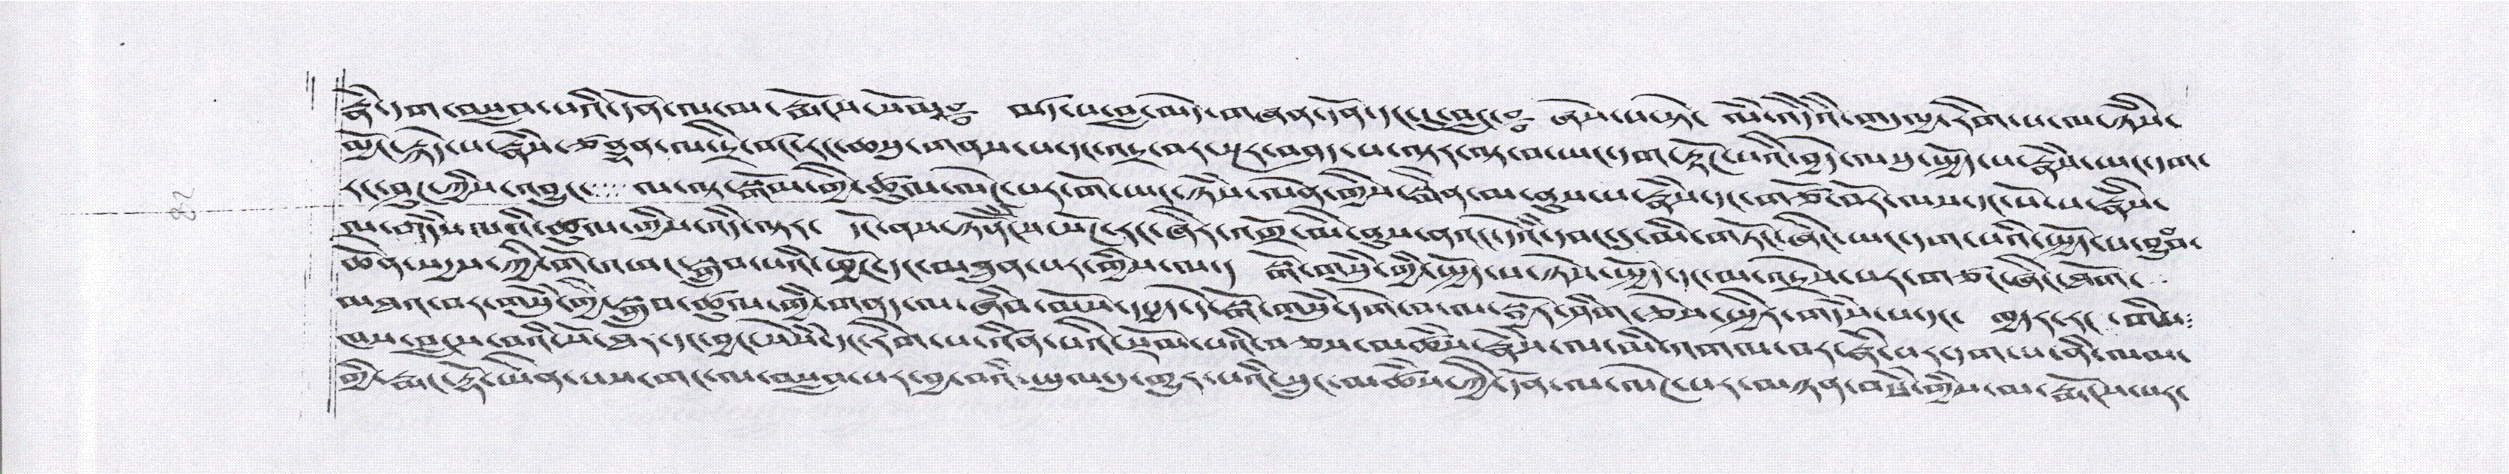རྣམ་དག་བསླབ་པའི་དོན་ལ་མ་རྨོངས་སོམསཿ མཛད་པ་བླ་མེད་གཞན་དོན་དོན་དུ་བླངཿ ལམ་འདིའི་གདུལ་བྱ་རིག་པ་ལ་ཉམས་
མྱོང་རྙེད་པ་རྣམས་ཙན་དན་ལ་དྲི་བཟང་རང་ཆས་སུ་གནས་པ་དང་འདྲ་བར་སྔར་བཤད་པ་ལྟར་ལྟ་བ་ཡང་དག་རྟོགས་པའི་བྱེད་ལས་སུ་སྤྱོད་པ་རྣམས་ཡང་དག་
རང་ཤུགས་ཀྱིས་འབྱུང་ལ། ལྟ་སྒོམ་གྱི་ཚུལ་ལེགས་པར་གོ་ཡང་ཉམས་ལེན་གྱིས་སྨིན་མ་ནུས་པ་རྣམས་དང་གཙོ་བོར་ལས་དང་པོ་བ་རྣམས་
ལ་གདམས་པའི་ཚུལ་གྱིས་འདི་ལྟར། དང་པོ་ནས་ཉོན་མོངས་སོགས་རང་ཞིར་འགྲོ་མི་ནུས་ནའང་དེའི་དབང་དུ་མི་གཏོང་ཞིང་ཡང་དག་པའི་སྤྱོད་པ་བྱང་ཆུབ་
ཆེན་པོ་སངས་རྒྱས་ཀྱི་གོ་འཕང་བསྒྲུབ་པའི་ཕྱོགས་དང་མཐུན་པར་གྱིས་ལ། སྒོ་གསུམ་གྱི་སྤྱོད་པ་ཉེས་སྤྱོད་དང་མ་འདྲེས་པར་བཙུན་ཞིང་ཐོག་
མཐའ་བར་གསུམ་གྱི་སྒྲུབ་ཚུལ་གྱི་གནད་ལ་ཞིབ་མོས་དཔྱད་དེ་སྒོ་གསུམ་དགེ་བ་ལ་སྦྱོར་ཅིག་ཅེས་སྤྱིར་གདམས་པ་དང་། ཁྱད་པར་རང་གིས་
ཁས་བླང་པའི་སོ་ཐར་དང་བྱང་སེམས་དང་རིག་པ་འཛིན་པའི་སྡོམ་པའི་བཅས་མཚམས་རྣམས་ལ་མི་འགལ་བར་རྣམ་པར་དག་པ་ནི་ལམ་
གྱི་རྨང་རྡོ་ཡིན་པས་གང་ལ་བསླབ་པར་བྱ་བའི་ཡུལ་དུ་གྱུར་པའི་སྲུང་མཚམས་ཀྱི་དོན་ལ་ལེགས་པར་མཉན་བསམ་གྱིས་མ་རྨོངས་པར་